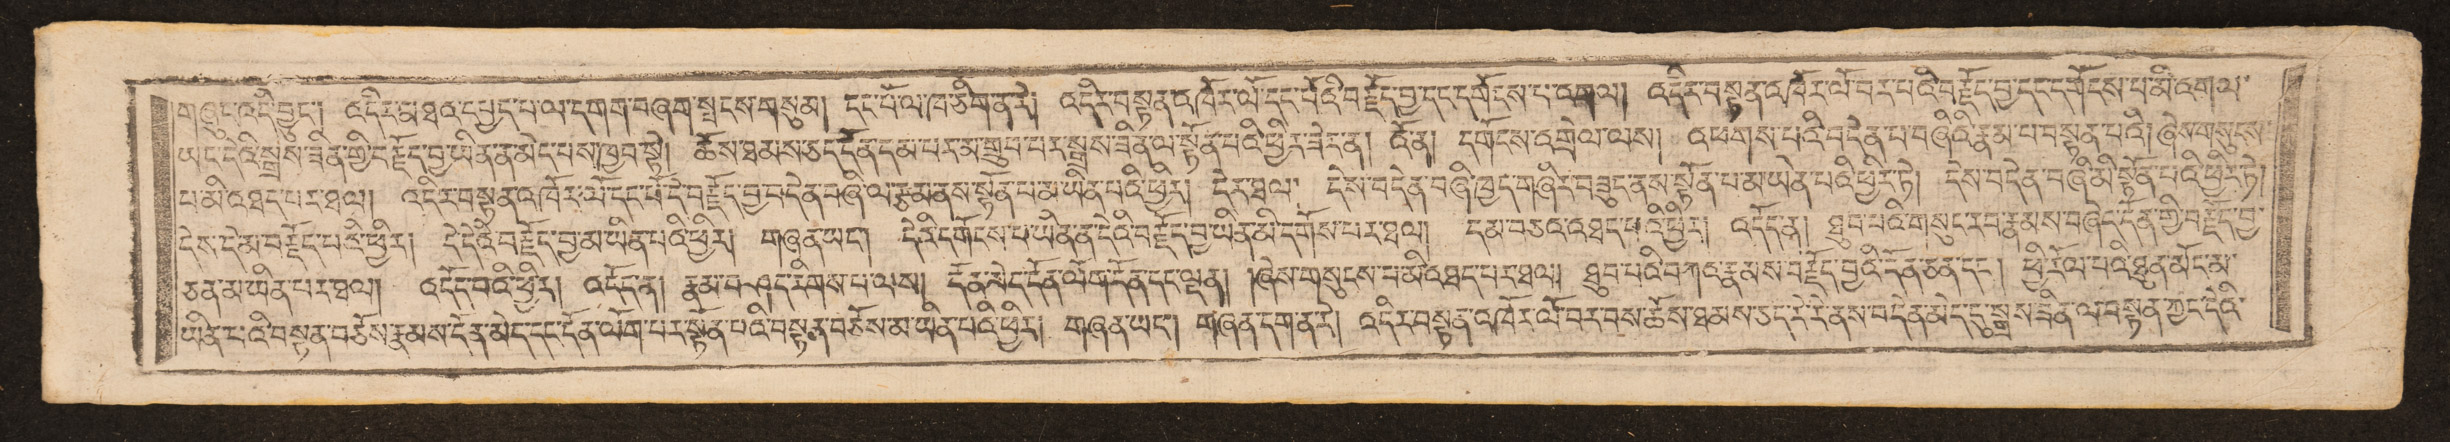གཞུང་འདི་བྱུང་། འདིར་མཐའ་དཔྱད་པ་ལ་དགག་བཞག་སྤངས་གསུམ། དང་པོ་ལ་ཁ་ཅིག་ན་རེ། འདིར་བསྟན་འཁོར་ལོ་དང་པོའི་བརྗོད་བྱ་དང་དགོངས་པ་འགལ། འདིར་བསྟན་འཁོར་ལོ་བར་བའི་བརྗོད་བྱ་དང་དགོངས་པ་མི་འགལ་
ཡང་དེའི་སྒྲས་ཟིན་གྱི་བརྗོད་བྱ་ཡིན་ན་མེད་པས་ཁྱབ་སྟེ། ཆོས་ཐམས་ཅད་དོན་དམ་པར་མ་གྲུབ་པར་སྒྲས་ཟིན་ལ་སྟོན་པའི་ཕྱིར་ཟེར་ན། འོ་ན། དགོངས་འགྲེལ་ལས། འཕགས་པའི་བདེན་པ་བཞིའི་རྣམ་པ་བསྟན་པའི། ཞེས་གསུངས་
པ་མི་འཐད་པར་ཐལ། འདིར་བསྟན་འཁོར་ལོ་དང་པོ་དེ་བརྗོད་བྱ་བདེན་བཞི་ལ་རྩམ་ནས་སྟོན་པ་མ་ཡིན་པའི་ཕྱིར། དེར་ཐལ། དེས་བདེན་བཞི་ཁྱད་གཞིར་བཟུང་ནས་སྟོན་པ་མ་ཡིན་པའི་ཕྱིར་ཏེ། དེས་བདེན་བཞི་མི་སྟོན་པའི་ཕྱིར་ཏེ།
དེས་དེ་མ་བརྗོད་པའི་ཕྱིར། དེ་དེའི་བརྗོད་བྱ་མ་ཡིན་པའི་ཕྱིར། གཞན་ཡང་། དེའི་དགོངས་པ་ཡིན་ན་དེའི་བརྗོད་བྱ་ཡིན་མི་དགོས་པར་ཐལ། དམ་བཅའ་འཐད་པའི་ཕྱིར། འདོད་ན། ཐུབ་པའི་གསུང་རབ་རྣམས་བཞེད་དོན་གྱི་བརྗོད་བྱ་
ཅན་མ་ཡིན་པར་ཐལ། འདོད་པའི་ཕྱིར། འདོད་ན། རྣམ་བཤད་རིགས་པ་ལས། དོན་མེད་དོན་ལོག་དོན་དང་ལྡན། །ཞེས་གསུངས་པ་མི་འཐད་པར་ཐལ། ཐུབ་པའི་བཀའ་རྣམས་བརྗོད་བྱའི་དོན་ཅན་དང་། ཕྱི་རོལ་པའི་ཐུན་མོང་མ་
ཡིན་པའི་བསྟན་བཅོས་རྣམས་དོན་མེད་དང་དོན་ལོག་པར་སྟོན་པའི་བསྟན་བཅོས་མ་ཡིན་པའི་ཕྱིར། གཞན་ཡང་། གཞན་དག་ན་རེ། འདིར་བསྟན་འཁོར་ལོ་བར་བས་ཆོས་ཐམས་ཅད་རེ་རེ་ནས་བདེན་མེད་དུ་སྒྲས་ཟིན་ལ་བསྟན་ཀྱང་དེའི་